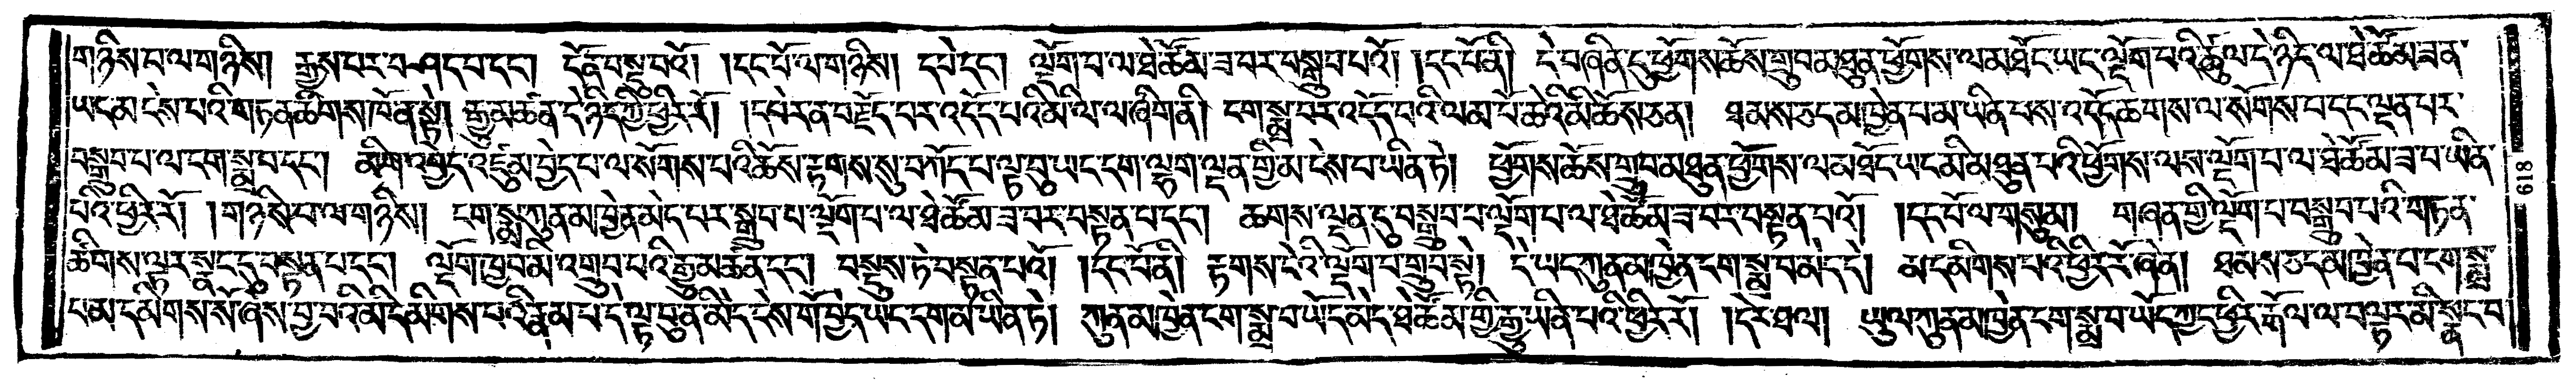གཉིས་པ་ལ་གཉིས། རྒྱས་པར་བཤད་པ་དང་། དོན་བསྡུ་བའོ། །དང་པོ་ལ་གཉིས། དཔེ་དང་། ལྡོག་པ་ལ་ཐེ་ཚོམ་ཟ་བར་བསྒྲུབ་པའོ། །དང་པོ་ནི། དེ་བཞིན་དུ་ཕྱོགས་ཆོས་གྲུབ་མཐུན་ཕྱོགས་ལ་མཐོང་ཡང་ལྡོག་པའི་ཚུལ་དེ་ཉིད་ལྡོག་པའི་ཚུལ་དེ་ཉིད་ལ་ཐེ་ཚོམ་ཟ་ན་
ཡང་མ་ངེས་པའི་གཏན་ཚིགས་ཁོ་ན་སྟེ། རྒྱུ་མཚན་དེ་ཉིད་ཀྱི་ཕྱིར་རོ། །དཔེར་ན་བརྗོད་པར་འདོད་པའི་མི་ལ་ལ་ཞིག་ནི། ངག་སྨྲ་པར་འདོད་པའི་ལམ་པོ་ཆེའི་མི་ཆོས་ཅན། ཐམས་ཅད་མཁྱེན་པ་མ་ཡིན་པས་འདོད་ཆགས་ལ་སོགས་པ་དང་ལྡན་པར་
བསྒྲུབ་པ་ལ་དག་སྨྲ་བ་དང་། མིག་འབྱེད་འཛུམ་བྱེད་པ་ལ་སོགས་པའི་ཆོས་རྟགས་སུ་བཀོད་པ་ལྟ་བུ་ཡང་དག་ལྷག་ལྡན་གྱི་མ་ངེས་པ་ཡིན་ཏེ། ཕྱོགས་ཆོས་གྲུབ་མཐུན་ཕྱོགས་ལ་མཐོང་ཡང་མི་མཐུན་པའི་ཕྱོགས་ལས་ལྡོག་པ་ལ་ཐེ་ཚོམ་ཟ་བ་ཡིན་
པའི་ཕྱིར་རོ། །གཉིས་པ་ལ་གཉིས། དག་སྨྲ་ཀུན་མཁྱེན་མེད་པར་སྒྲུབ་པ་ལྡོག་པ་ལ་ཐེ་ཚོམ་ཟ་བར་བསྟན་པ་དང་། ཆགས་ལྡན་དུ་བསྒྲུབ་པ་ལྡོག་པ་ལ་ཐེ་ཚོམ་ཟ་བར་བསྟན་པའོ། །དང་པོ་ལ་གསུམ། གཞན་གྱི་ལྡོག་པ་བསྒྲུབ་པའི་གཏན་
ཚིགས་ལྟར་སྣང་དུ་བསྟན་པ་དང་། ལྡོག་ཁྱབ་མི་འགྲུབ་པའི་རྒྱུ་མཚན་དང་། བསྡུས་ཏེ་བསྟན་པའོ། །དང་པོ་ནི། རྟགས་དེའི་ལྡོག་པ་གྲུབ་སྟེ། དེ་ཡང་ཀུན་མཁྱེན་དག་སྨྲ་བ་མེད་དེ། མ་དམིགས་པའི་ཕྱིར་རོ་ཞེ་ན། ཐམས་ཅད་མཁྱེན་པ་དག་སྨྲ་
པ་མ་དམིགས་སོ་ཞེས་བྱ་བའི་མི་དམིགས་པའི་རྣམ་པ་དེ་ལྟ་བུ་ན་མེད་དེས་གོ་བྱེད་ཡང་དག་མ་ཡིན་ཏེ། ཀུན་མཁྱེན་དག་སྨྲ་བ་ཡོད་མེད་ཐེ་ཚོམ་གྱི་རྒྱུ་ཡིན་པའི་ཕྱིར་རོ། །དེར་ཐལ། ཡུལ་ཀུན་མཁྱེན་དག་སྨྲ་བ་ཡོད་ཀྱང་ཕྱིར་རྒོལ་ལ་བལྟར་མི་སྣང་བ་